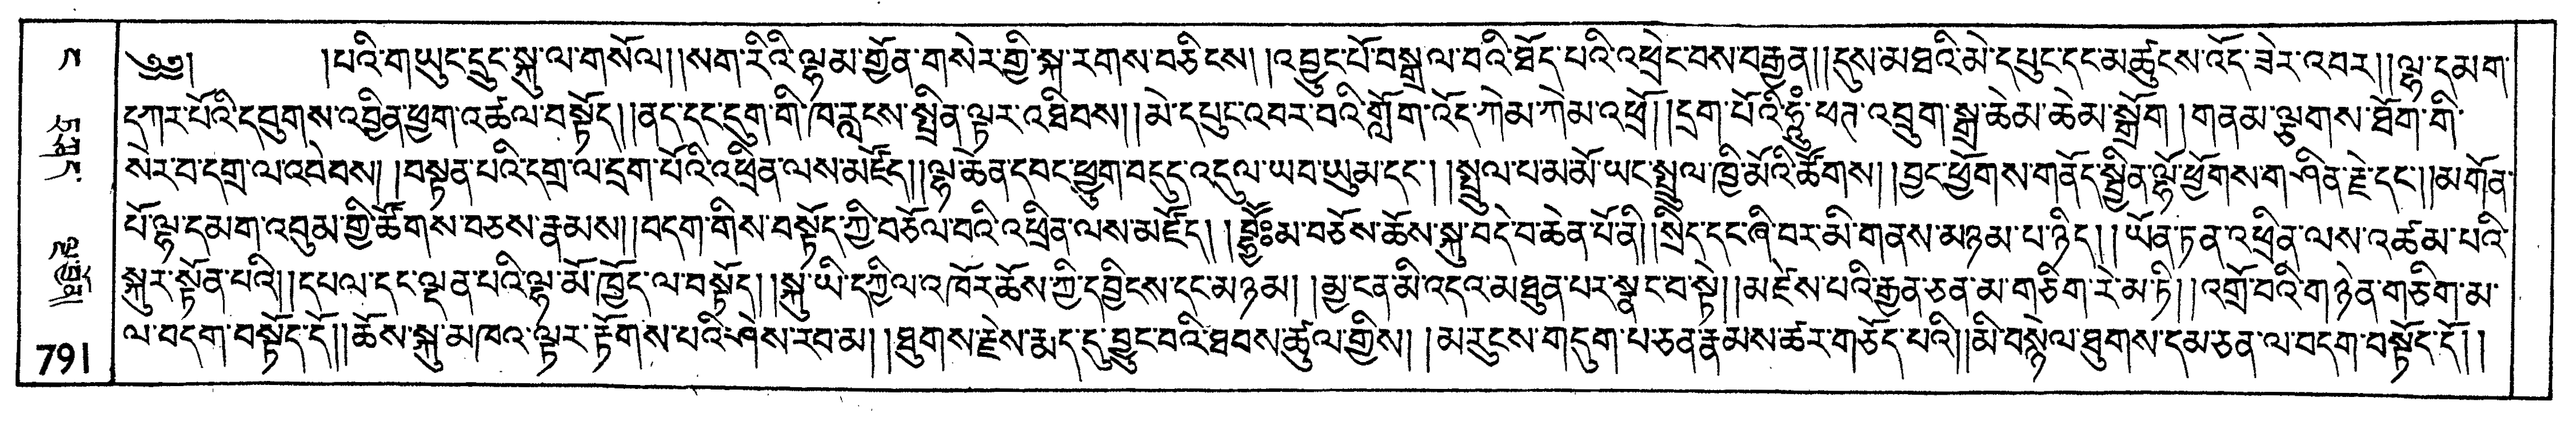༄༅། །པའི་གཡུང་དྲུང་སྐུ་ལ་གསོལ། །སག་རིའི་ལྷམ་གྱོན་གསེར་གྱི་སྐ་རགས་བཅིངས། །འབྱུང་པོ་བསྒྲལ་བའི་ཐོད་པའི་འཕྲེང་བས་བརྒྱན། །དུས་མཐའི་མེ་དཔུང་དང་མཚུངས་འོད་ཟེར་འབར། །ལྷ་དམག་
དཀར་པོའི་དབུགས་འབྱིན་ཕྱག་འཚལ་བསྟོད། །ནད་དང་དུག་གི་ཁ་རླངས་སྤྲིན་ལྟར་འཐིབས། །མེ་དཔུང་འབར་བའི་གློག་འོད་ཀེམ་ཀེམ་འཕྲོ། །དྲག་པོའི་ཧཱུཾ་ཕཊ་འབྲུག་སྒྲ་ཆེམ་ཆེམ་སྒྲོག །གནམ་ལྕགས་ཐོག་གི་
སེར་བ་དགྲ་ལ་འབེབས། །བསྟན་པའི་དགྲ་ལ་དྲག་པོའི་འཕྲིན་ལས་མཛོད། །ལྷ་ཆེན་དབང་ཕྱུག་བདུད་འདུལ་ཡབ་ཡུམ་དང་། །སྤྲུལ་པ་མ་མོ་ཡང་སྤྲུལ་ཁྱི་མོའི་ཚོགས། །བྱང་ཕྱོགས་གནོད་སྦྱིན་ལྷོ་ཕྱོགས་གཤིན་རྗེ་དང་། །མགོན་
པོ་ལྷ་དམག་འབུམ་གྱི་ཚོགས་བཅས་རྣམས། །བདག་གིས་བསྟོད་ཀྱི་བཅོལ་བའི་འཕྲིན་ལས་མཛོད། །བྷྱོཿ མ་བཅོས་ཆོས་སྐུ་བདེ་བ་ཆེན་པོ་ནི། །སྲིད་དང་ཞི་བར་མི་གནས་མཉམ་པ་ཉིད། །ཡོན་ཏན་འཕྲིན་ལས་འཚམ་པའི་
སྐུར་སྟོན་པའི། །དཔལ་དང་ལྡན་པའི་ལྷ་མོ་ཁྱོད་ལ་བསྟོད། །སྐུ་ཡི་དཀྱིལ་འཁོར་ཆོས་ཀྱི་དབྱིངས་དང་མཉམ། །མྱ་ངན་མི་འདའ་མཐུན་པར་སྣང་བ་སྟེ། །མཛེས་པའི་རྒྱན་ཅན་མ་གཅིག་རེ་མ་ཏི། །འགྲོ་བའི་གཉེན་གཅིག་མ་
ལ་བདག་བསྟོད་དོ། །ཆོས་སྐུ་མཁའ་ལྟར་རྟོགས་པའི་ཤེས་རབ་མ། །ཐུགས་རྗེས་རྨད་དུ་བྱུང་བའི་ཐབས་ཚུལ་གྱིས། །མ་རུངས་གདུག་པ་ཅན་རྣམས་ཚར་གཅོད་པའི། །མི་བསྙེལ་ཐུགས་དམ་ཅན་ལ་བདག་བསྟོད་དོ། །